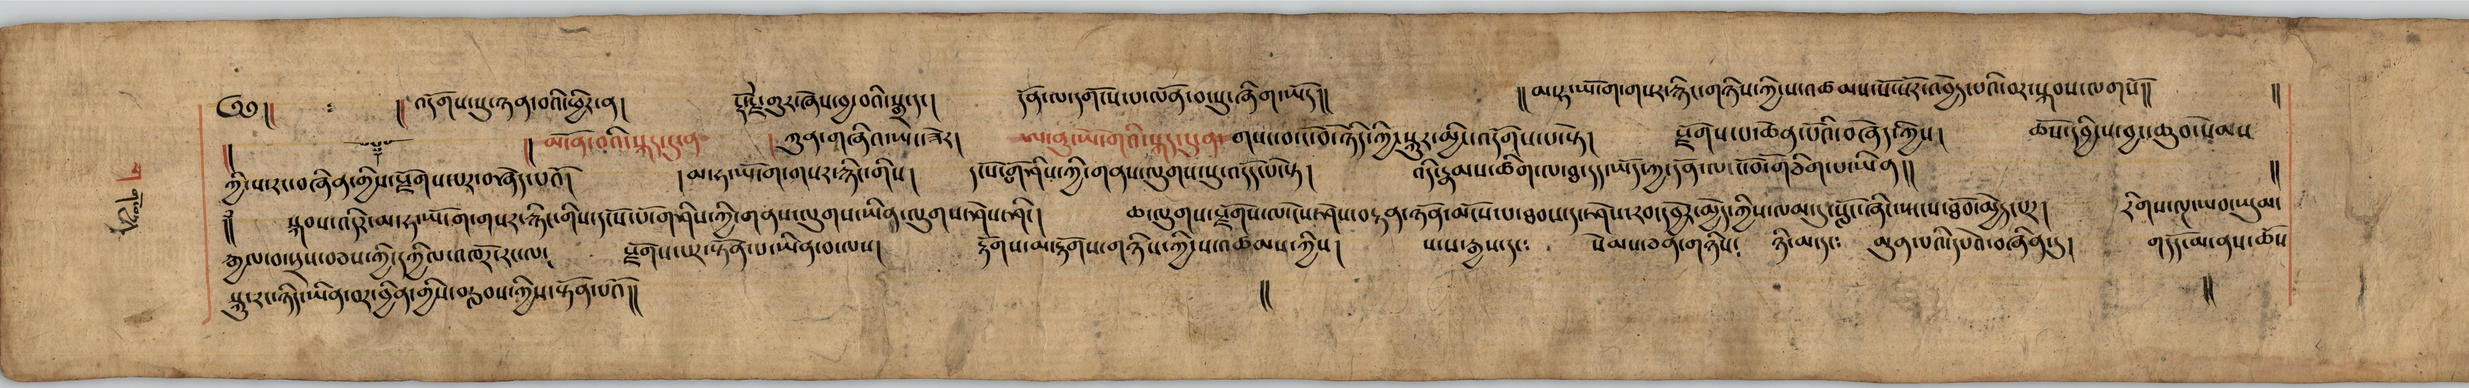༄༅།། །།འདོགས་སུ་ཉན་བའི་ཕྱིར་ན། རྡོ་རྗེ་གུར་ཞེས་བྱ་བའི་སྒྲ་དང། དོན་ལ་དགོངས་པ་ལོན་བ་སུ་ཞིག་ཡོད།། །།མ་ཧ་ཡོ་ག་གསར་རྙིང་གཉིས་ཀྱི་ས་འཚམས་སོ་སོར་འབྱེད་པའི་བར་སྐབས་ལགསོ།།
།།མངོན་བའི་སྐད་དུ་ན །ཀུན་གཞིའ་ཡང་ཟེར། ཨ་ནུ་ཡོ་གའི་སྐད་དུ་ན་གསང་བ་ངོ་བོ་ཉིད་ཀྱི་སྐུར་མྱི་འདོགས་པ་སྟེ། སྫོགས་པ་ཆེན་པོའི་བཞེད་ཀྱིས། ཆོས་དབྱིངས་བྱང་ཆུབ་སེམས
ཀྱི་ས་རང་བཞིན་གྱིས་སྫོགས་པར་བཞེད་པའོ། །མ་ཧ་ཡོ་ག་གསར་རྙིང་གིས། དངོས་གཤིས་ཀྱི་གནས་ལུགས་སུ་འདོད་པ་སྟེ། འདི་རྣམས་ཚིག་ལ་ཐ་དད་ཡོད་ཀྱ་དོན་ལ་ངོ་བོ་གཅིག་པ་ཡིན།།
སྐབས་འདིར་མ་ཧ་ཡོ་ག་གསར་རྙིང་གིས་དངོས་པོ་གཤིས་ཀྱི་གནས་ལུགས་ཤེས་ཤིང། ཆ་ལུགས་སྫོགས་ལ་ངེས་ཤེས་བརྟན་ཉོན་མོངས་པ་ཐབས་དང་ཤེས་རབ་དབྱེར་མྱེད་ཀྱིས་ལམ་དུ་སློང་ཞིང་སྤངས་ཐོབ་མྱེད་པར། རིགས་ལྔ་ཡབ་ཡུམ་
རྒྱལ་བ་སྲས་བཅས་ཀྱི་དཀྱིལ་འཁོར་རང་ལ། སྫོགས་པར་སྟོན་པ་ཡིན་བ་ལས། རྟོགས་མ་རྟོགས་གཉིས་ཀྱི་ས་འཚམས་ཀྱིས། སངས་རྒྱས་དང༴ སེམས་ཅན་གཉིས༴ ཉི་མ་དང༴ མུན་པའི་དཔེའ་བཞིན་དུ། གདོད་མ་ནས་ཆོས
སྐུ་རང་ཉིད་ཡིན་བར་བྱིན་གྱིས་བརླབས་ཀྱིས་སྟོན་པའོ།།